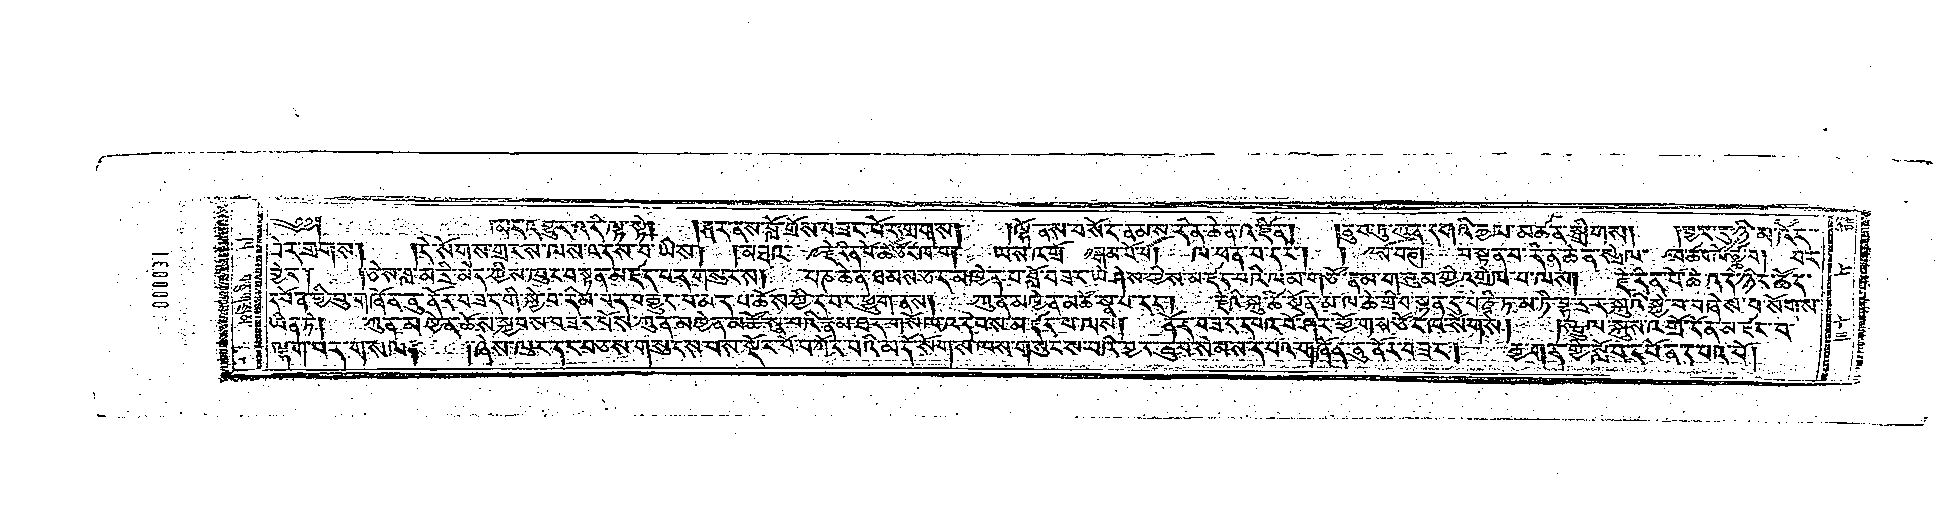༄༅། །མང་འབྱུར་འདི་ལྟ་སྟེ། །ཤར་ནས་བློ་གྲོས་བཟང་པོར་གྲགས། །ལྷོ་ནས་བསོད་ནམས་རིན་ཆེན་འཛིན། །ནུབ་ཏུ་ཀུན་དགའི་རྒྱལ་མཚན་སྒྲིགས། །བྱང་དུ་ཉི་མ་འོད་
ཟེར་གྲགས། །དེ་སོགས་གྲངས་ལས་འདས་པ་ཡིས། །མཐའ་༧་རྗེ་རིན་པོ་ཆེ་ཙོང་ཁ་པ། ཡས་འགྲོ ༡་སྒམ་པོ་པ། ལ་ཕན་པ་དང་། །ས་པཎ། བསྟན་པ་རིན་ཆེན་སྤེལ་བ་ཚབ་ལོ་ཙྪ་བ། བར་
བྱེད༑ །ཅེས་བླ་མ་དྲི་མེད་ཀྱིས་ལུང་བསྟན་མཛད་པར་གསུངས། པཎ་ཆེན་ཐམས་ཅད་མཁྱེན་པ་བློ་བཟང་ཡེ་ཤེས་ཀྱིས་མཛད་པའི་ལམ་གཙོ་རྣམ་གསུམ་གྱི་འགྲེལ་པ་ལས། རྗེ་རིན་པོ་ཆེ་འདི་ཉིད་ཚོད་
དཔོན་གྱི་བུ་གཞོན་ནུ་ནོར་བཟང་གི་སྐྱེ་བ་རིམ་པར་བརྒྱུད་པ་མར་པ་ཆོས་ཀྱི་དབང་ཕྱུག་ནས། ཀུན་མཁྱེན་མཚོ་སྣ་པ་དང་། རྗེའི་སྐུ་ཚེ་སྔོན་མ་ལ་ཆེ་སྒྲིབ་སྟན་དུ་པཎྜི་ཏ་མ་ཏེ་བྷ་དྲར་སྐུའི་སྐྱེ་བ་བཞེས་པ་སོགས་
ཡིན་ཏེ། ཀུན་མཁྱེན་ཆོས་སྐྱབས་བཟང་པོས་ཀུན་མཁྱེན་མཚོ་སྣ་བའི་རྣམ་ཐར་གསོལ་འདེབས་མཛད་པ་ལས། ནོར་བཟང་དཔའ་བོ་ཤར་ཕྱོགས་ཙོང་ཁ་སོགས། །སྤྲུལ་སྐུས་འགྲོ་དོན་མཛད་པ་
ལྷག་པར་གསལ༑ །ཞེས་ལུང་དང་བཅས་གསུངས་པས་སྡོར་པོ་བཀོད་པའི་མདོ་སོགས་ཁས་གསུངས་པའི་བྱང་ཆུབ་སེམས་དཔའ་གཞོན་ནུ་ནོར་བཟང་། རྒྱ་གར་གྱི་སློབ་དཔོན་དཔའ་བོ།